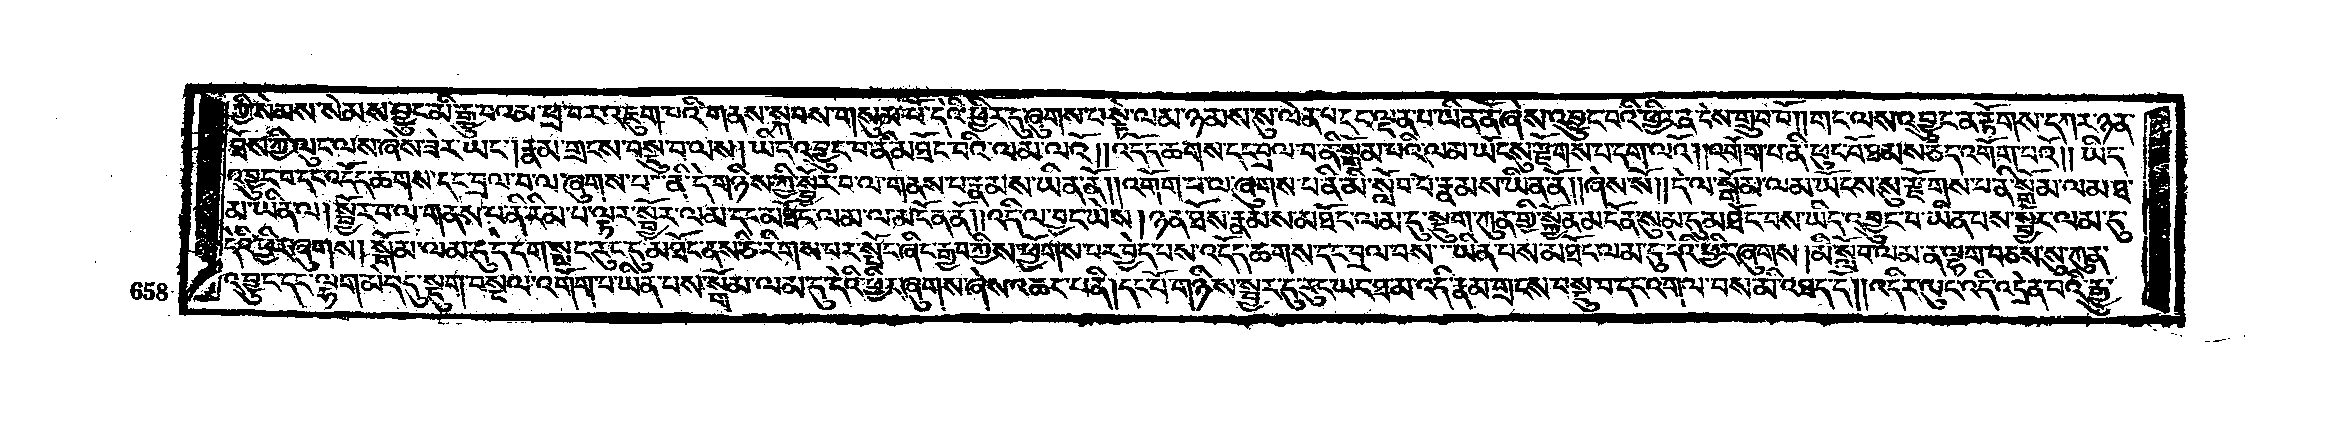ཀྱི་སེམས་སེམས་བྱུང་མི་རྒྱུ་བའམ་ཕྲ་བར་འཇུག་པའི་གནས་སྐབས་གསུམ་པོ་དེའི་ཕྱིར་དུ་ཞུགས་པ་སྟེ་ལམ་ཉམས་སུ་ལེན་པ་དང་ལྡན་པ་ཡིན་ནོ་ཞེས་འབྱུང་བའི་ཕྱིར་ན་དེས་གྲུབ་བོ། །གང་ལས་འབྱུང་ན་རྟོགས་དཀར་ཉན་
ཐོས་ཀྱི་ལུང་ལས་ཞེས་ཟེར་ཡང་། རྣམ་གྲངས་བསྡུ་བ་ལས། ཡིད་འབྱུང་བ་ནི་མཐོང་བའི་ལམ་ལའོ། །འདོད་ཆགས་དང་བྲལ་བ་ནི་སྒོམ་པའི་ལམ་ཡོངས་སུ་རྫོགས་པ་དག་ལའོ། །འགོག་པ་ནི་ཕུང་པོ་ཐམས་ཅད་འགོག་པའོ། །ཡིད་
འབྱུང་བ་དང་འདོད་ཆགས་དང་བྲལ་བ་ལ་ཞུགས་པ་ནི་དེ་གཉིས་ཀྱི་སྦྱོར་བ་ལ་གནས་པ་རྣམས་ཡིན་ནོ། །འགོག་པ་ལ་ཞུགས་པ་ནི་མི་སློབ་པ་རྣམས་ཡིན་ནོ། །ཞེས་སོ། །དེ་ལ་སྒོམ་ལམ་ཡོངས་སུ་རྫོགས་པ་ནི་སྒོམ་ལམ་ཐ་
མ་ཡིན་ལ། སྦྱོར་བ་ལ་གནས་པ་ནི་རིམ་པ་ལྟར་སྦྱོར་ལམ་དང་མཐོང་ལམ་ལ་མངོན་ནོ། །འདི་ལ་བྱང་ཡོས། ཉན་ཐོས་རྣམས་མཐོང་ལམ་དུ་སྡུག་ཀུན་གྱི་སྐྱོན་མངོན་སུམ་དུ་མཐོང་བས་ཡིད་འབྱུང་བ་ཡིན་པས་སྦྱོར་ལམ་དུ་
དེའི་ཕྱིར་ཞུགས། སྒོམ་ལམ་དུ་དེ་དག་སྤང་རུང་དུ་མཐོང་ནས་ཅི་རིགས་པར་སྤོང་ཞིང་རྒྱབ་ཀྱིས་ཕྱོགས་པར་བྱེད་པས་འདོད་ཆགས་དང་བྲལ་བས་ཡིན་པས་མཐོང་ལམ་དུ་དེའི་ཕྱིར་ཞུགས། མི་སློབ་ལམ་ན་ལྷག་བཅས་སུ་ཀུན་
འབྱུང་དང་ལྷག་མེད་དུ་སྡུག་བསྔལ་འགོག་པ་ཡིན་པས་སྒོམ་ལམ་དུ་དེའི་ཕྱིར་ཞུགས་ཞེས་འཆད་པ་ནི། དང་པོ་གཉིས་སྦྱར་དུ་རུང་ཡང་ཐ་མ་འདི་རྣམ་གྲངས་བསྡུ་བ་དང་འགལ་བས་མི་འཐད་དོ། །འདིར་ལུང་འདི་འདྲེན་པའི་རྒྱུ་